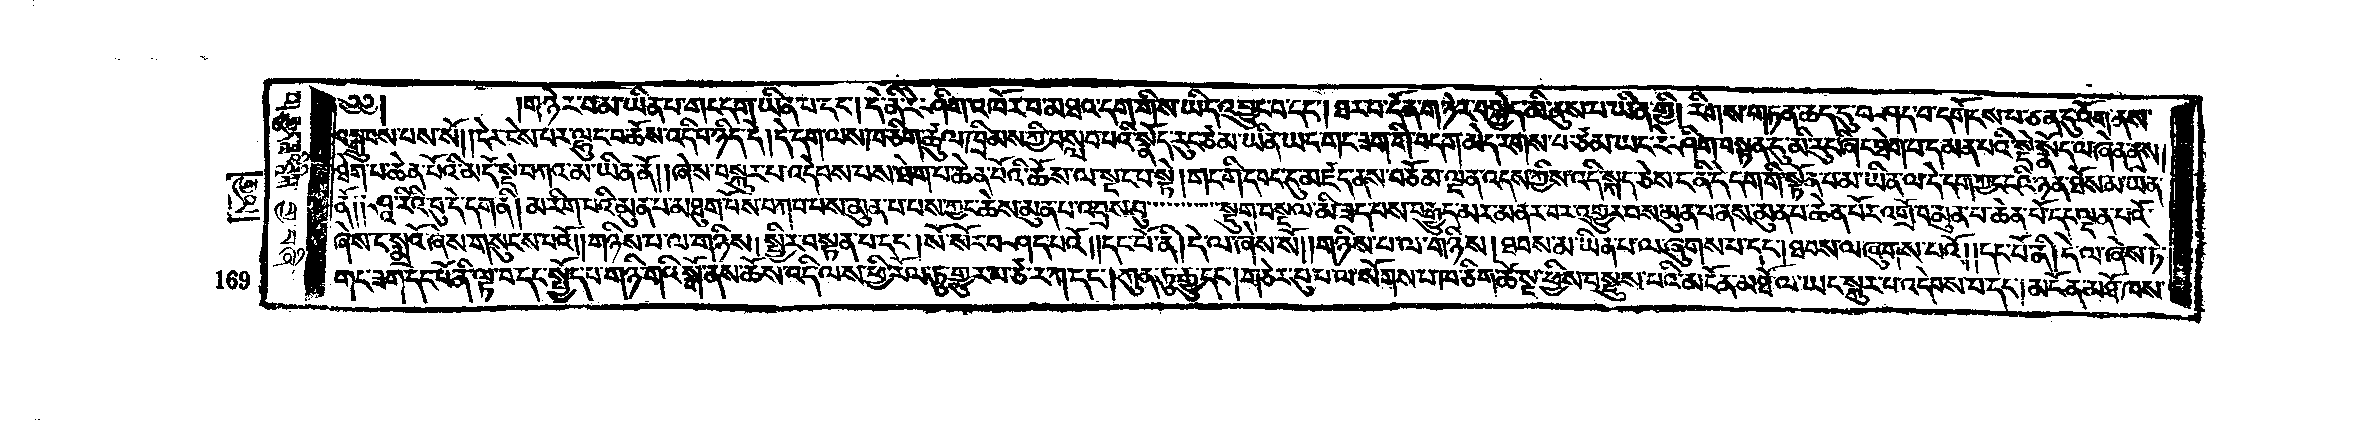༄༅། །གཉེར་བ་མ་ཡིན་པ་གང་དག་ཡིན་པ་དང་། དེ་ནི་རེ་ཤིག་འཁོར་བ་མཐའ་དག་གིས་ཡིད་འབྱུང་བ་དང་། ཐར་པ་དོན་གཉེར་བསྐྱེད་མི་ནུས་པ་ཡིན་གྱི་།རིགས་གཏན་ཆད་དུ་བཤད་པ་དགོངས་པ་ཅན་དུ་འོག་ནས་
བསྒྲུབས་པས་སོ། །དེར་ངེས་པར་ལྷུང་བ་ཆོས་འདི་བ་ཉིད་དེ། དེ་དག་ལས་ཁ་ཅིག་ཚུལ་ཁྲིམས་ཀྱི་བསླབ་པའི་སྣོད་རུང་ཙམ་ཡིན་ཡང་གང་ཟག་གི་བདག་མེད་རགས་པ་ཙམ་ཡང་རེ་ཤིག་བསྟན་དུ་མི་རུང་ཞིང་ཐེག་པ་དམན་པའི་སྡེ་སྣོད་ལ་ཞེན་ནས།
ཐེག་པ་ཆེན་པོའི་མདོ་སྡེ་བཀའ་མ་ཡིན་ནོ། །ཞེས་བསྐུར་བ་འདེབས་པས་ཐེག་པ་ཆེན་པོའི་ཆོས་ལ་སྡང་བ་སྟེ། གང་གི་དབང་དུ་མཛད་ནས་བཅོམ་ལྡན་འདས་ཀྱིས་འདི་སྐད་ཅེས་ང་ནི་དེ་དག་གི་སྟོན་པ་མ་ཡིན་ལ་དེ་དག་ཀྱང་ངའི་ཉན་ཐོས་མ་ཡིན་
ནོ༑ ༑ཤཱ་རིའི་བུ་དེ་དག་ནི། མ་རིག་པའི་མུན་པ་མཐུག་པོས་བཀབ་པས་མུན་པ་པས་ཀྱང་ཆེས་མུན་པ་འབྲས་བུ་སྡུག་བསྔལ་མི་ཟད་པས་བརྒྱུད་མར་མནར་བར་འགྱུར་བས་མུན་པ་ནས་མུན་པ་ཆེན་པོར་འགྲོ་བ་མུན་པ་ཆེན་པོ་དང་ལྡན་པའོ་
ཞེས་ང་སྨྲའོ་ཞེས་གསུངས་པའོ། །གཉིས་པ་ལ་གཉིས། སྤྱིར་བསྟན་པ་དང་། སོ་སོར་བཤད་པའོ། །དང་པོ་ནི། དེ་ལ་ཞེས་སོ། །གཉིས་པ་ལ་གཉིས། ཐབས་མ་ཡིན་པ་ལ་ཞུགས་པ་དང་། ཐབས་ལ་ཞུགས་པའོ། །དང་པོ་ནི། དེ་ལ་ཞེས་ཏེ་
གང་ཟག་དང་པོ་ནི་ལྟ་བ་དང་སྤྱོད་པ་གཉི་གའི་སྒོ་ནས་ཆོས་འདི་ལས་ཕྱི་རོལ་ཏུ་གྱུར་པ་ཙ་ར་ཀ་དང་། ཀུན་ཏུ་རྒྱུ་དང་། གཅེར་པུ་པ་ལ་སོགས་པ་ཁ་ཅིག་ཚེ་སྔ་ཕྱིས་བསྡུས་པའི་མངོན་མཐོ་ལ་ཡང་སྐུར་བ་འདེབས་པ་དང་། མངོན་མཐོ་ཁས་